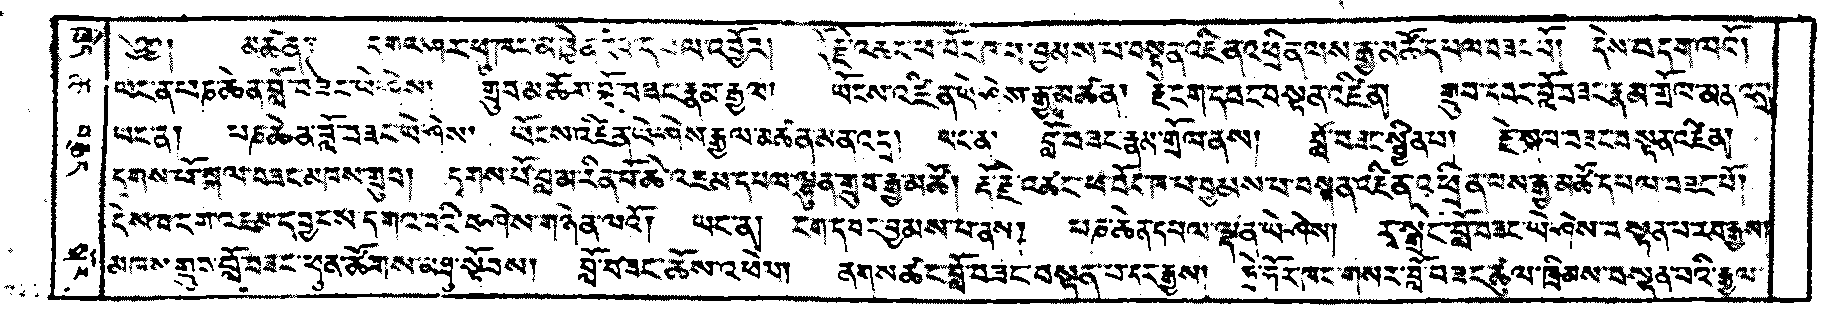༄༅། །མཚན༑ དགའ་ཤར་ཕུ་ཁང་མཁྱེན་རབ་དཔལ་འབྱོར། རྡོ་རྗེ་འཆང་ཕ་བོང་ཁ་པ་བྱམས་པ་བསྟན་འཛིན་འཕྲིན་ལས་རྒྱ་མཚོ་དཔལ་བཟང་པོ། དེས་བདག་ལའོ།
ཡང་ན་པཎ་ཆེན་བློ་བཟང་ཡེ་ཤེས། གྲུབ་མཆོག་བློ་བཟང་རྣམ་རྒྱལ། ཡོངས་འཛིན་ཡེ་ཤེས་རྒྱལ་མཚན། རྗེ་ངག་དབང་བསྟན་འཛིན། གྲུབ་དབང་བློ་བཟང་རྣམ་གྲོལ་མན་འདྲ།
ཡང་ན། པཎ་ཆེན་བློ་བཟང་ཡེ་ཤེས། ཡོངས་འཛིན་ཡེ་ཤེས་རྒྱལ་མཚན་མན་འདྲ། ཡང་ན། བློ་བཟང་རྣམ་གྲོལ་ནས། བློ་བཟང་སྦྱིན་པ། རྗེ་སྐལ་བཟང་བསྟན་འཛིན།
དྭགས་པོ་སྐལ་བཟང་མཁས་གྲུབ། དྭགས་པོ་བླ་མ་རིན་པོ་ཆེ་འཇམ་དཔལ་ལྷུན་གྲུབ་རྒྱ་མཚོ། རྡོ་རྗེ་འཆང་ཕ་བོང་ཁ་པ་བྱམས་པ་བསྟན་འཛིན་འཕྲིན་ལས་རྒྱ་མཚོ་དཔལ་བཟང་པོ།
དེས་བདག་འཇམ་དབྱངས་དགའ་བའི་བཤེས་གཉེན་ལའོ། ཡང་ན། ངག་དབང་བྱམས་པ་ནས། པཎ་ཆེན་དཔལ་ལྡན་ཡེ་ཤེས། རྭ་སྒྲེང་བློ་བཟང་ཡེ་ཤེས་བསྟན་པ་རབ་རྒྱས།
མཁས་གྲུབ་བློ་བཟང་ཕུན་ཚོགས་མཐུ་སྟོབས། བློ་བཟང་ཆོས་འཕེལ། ནགས་ཚང་བློ་བཟང་བསྟན་པ་དར་རྒྱས། ཏྲེ་ཧོར་ཁང་གསར་བློ་བཟང་ཚུལ་ཁྲིམས་བསྟན་པའི་རྒྱལ་